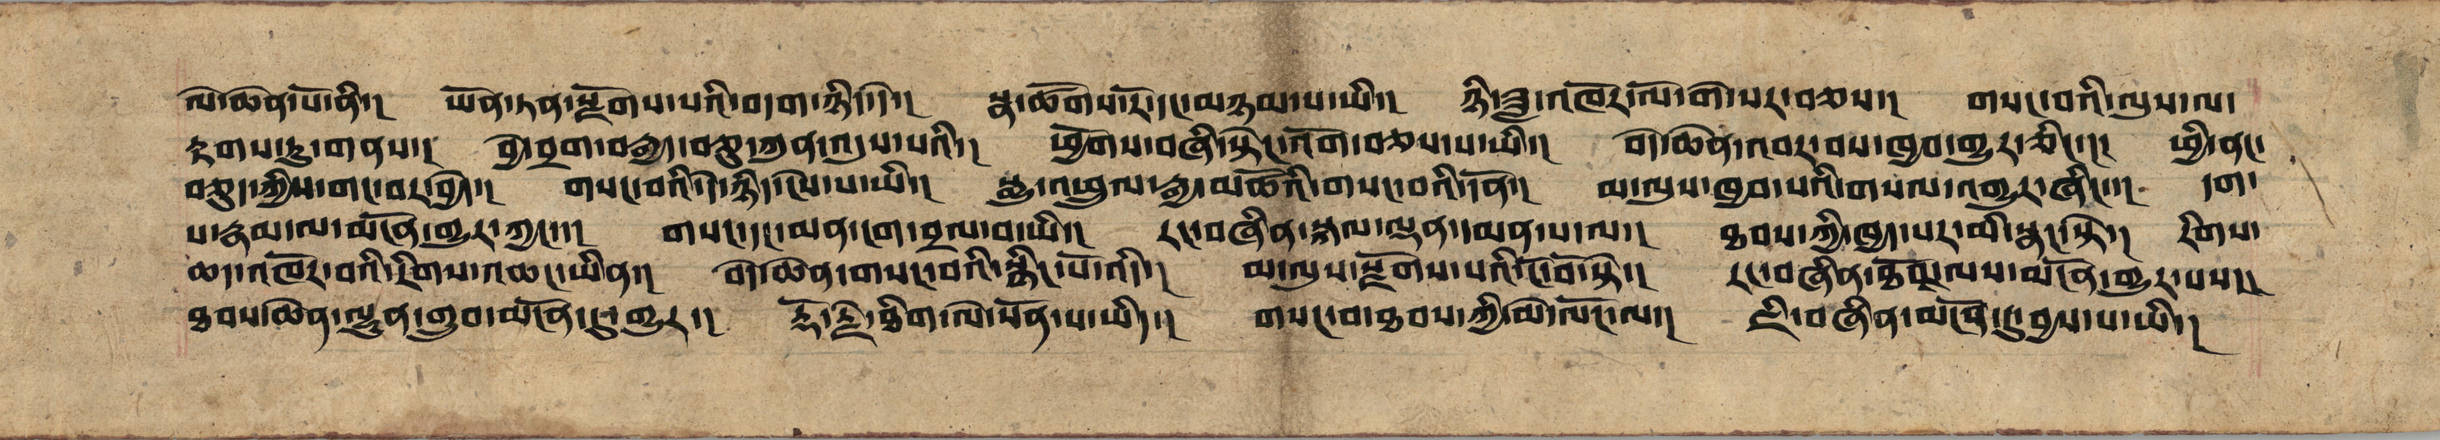ལེ་ཆེན་པོ་ནི་། ཡོན་ཏན་སྫོགས་པའི་བདག་ཉིད་དེ་། སྣ་ཚོགས་རོ་དང་མཉམ་པ་ཡི་། ཉི་ཟླ་འཁོར་ལོ་གེ་སར་བཅས་། གསང་བའི་ལུས་ལ་
རྟགས་ཏུ་གནས་། བྱེ་བྲག་བརྒྱད་བཅུ་ཀུན་འདུས་པའི་། ཕྱོགས་བཞི་སྟེང་འོག་བཅས་པ་ཡི་། བདེ་ཆེན་འབར་བས་ཁྱབ་གྱུར་ཅིང་།།། ཕྱི་ནང་
བཅུད་ཀྱིས་གང་བར་བྱེད་། གསང་བའི་དེ་ཉིད་ངེས་པ་ཡི་། སྒྱུ་འཕྲུལ་རྒྱ་མཚོའི་གསང་བའི་དོན་། མ་ལུས་ཁྱབ་པའི་གསལ་འགྱུར་ཞིང་་། དག་
པ་རྣམ་ལ་མངོན་གྱུར་ཀྱང་་། གསང་དང་མན་ངག་བྲལ་བ་ཡི་། རང་བཞིན་སྐལ་ལྡན་དམན་པ་ལ་། ཐབས་ཀྱི་ཁྱད་པར་མི་སྣང་སྟེ་། རིགས་
ཆད་འཁོར་བའི་རིགས་འཆང་ཡིན་། བདེ་ཆེན་གསང་བའི་སྙིང་པོ་འདི་། མ་ལུས་སྫོགས་པའི་ངོ་བོ་སྟེ་། རང་བཞིན་ཐོབ་ལས་མངོན་གྱུར་པས་།
ཐབས་ཆེན་ལྷུན་གྲུབ་མངོན་དུ་གྱུར་། རྡོ་རྗེ་ཐིག་ལེ་སོན་པ་ཡིད་། གསང་བ་ཐབས་ཀྱི་མེ་ལོང་ལ་། ཇི་བཞིན་མངོན་དུ་བྱས་པ་ཡི་།